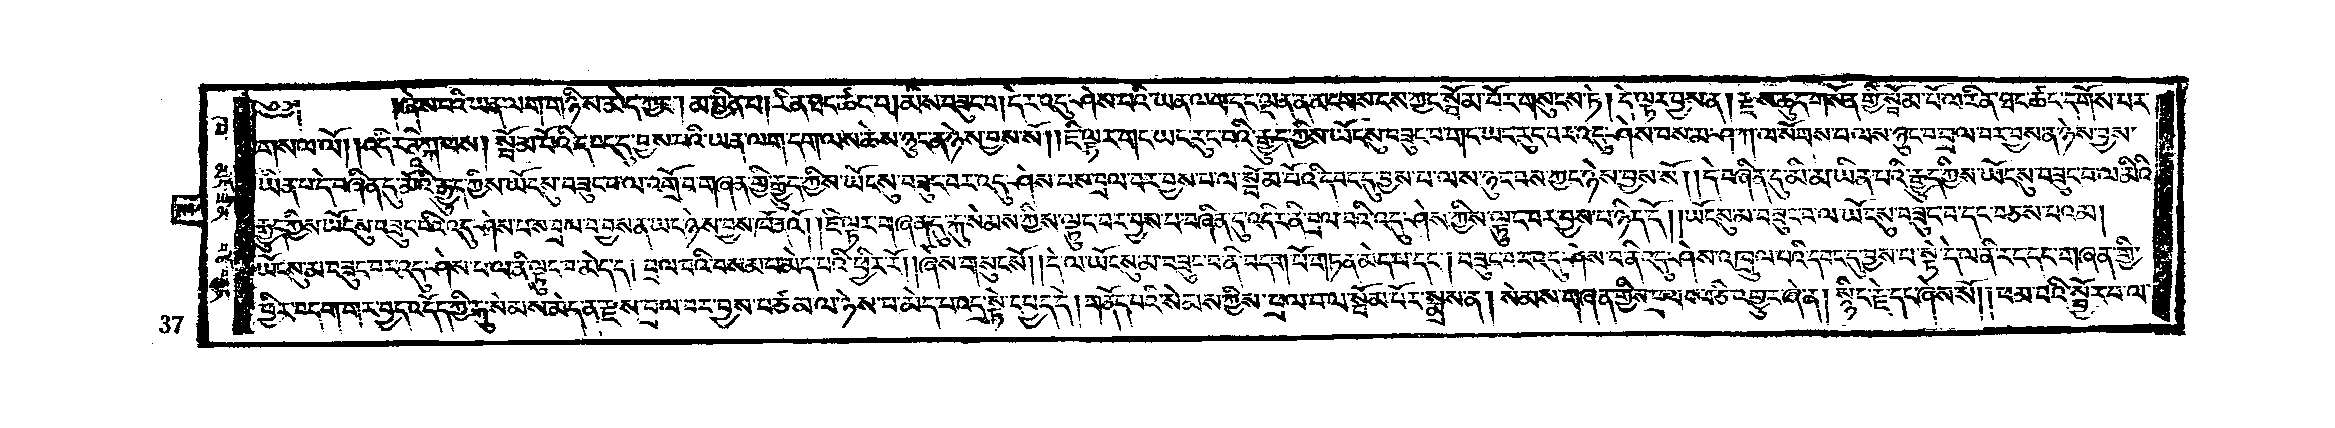༄༅། །ཞེས་པའི་ཡན་ལག་གཉིས་མེད་ཀྱང་། མ་བྱིན་པ། རིན་ཐང་ཚང་བ། མིས་བཟུང་བ། དེར་འདུ་ཤེས་པའི་ཡན་ལག་དང་ལྡན་ན་མངགས་པས་ཀྱང་སྦོམ་པོར་གསུངས་ཏེ། དེ་ལྟར་བྱས་ན། རྫས་ཆུད་གསོན་གྱི་སྦོམ་པོ་ལ་རིན་ཐང་ཚང་དགོས་པར་
གསལ་ལོ། །འདིར་ཊཱིཀྐ་ལས། སྦོམ་པོའི་དབང་དུ་བྱས་པའི་ཡན་ལག་དག་ལས་ཆེས་ཉུང་ན་ཉེས་བྱས་སོ། །ཇི་ལྟར་གང་ཡང་རུང་བའི་རྒྱུད་ཀྱིས་ཡོངས་སུ་བཟུང་བ་གང་ཡང་རུང་བར་འདུ་ཤེས་པས་མ་ཤ་ཀ་ལ་སོགས་པ་ལས་ཉུང་བ་བྲལ་བར་བྱས་ན་ཉེས་བྱས་
ཡིན་པ་དེ་བཞིན་དུ་མིའི་རྒྱུད་ཀྱིས་ཡོངས་སུ་བཟུང་བ་ལ་འགྲོ་བ་གཞན་གྱི་རྒྱུད་ཀྱིས་ཡོངས་སུ་བཟུང་བར་འདུ་ཤེས་པས་བྲལ་བར་བྱས་པ་ལ་སྦོམ་པོའི་དབང་དུ་བྱས་པ་ལས་ཉུང་བས་ཀྱང་ཉེས་བྱས་སོ། །དེ་བཞིན་དུ་མི་མ་ཡིན་པའི་རྒྱུད་ཀྱིས་ཡོངས་སུ་བཟུང་བ་ལ་མིའི་
རྒྱུད་ཀྱིས་ཡོངས་སུ་བཟུང་བའི་འདུ་ཤེས་པས་བྲལ་བ་བྱས་ན་ཡང་ཉེས་བྱས་ཁོ་ནའོ། །ཇི་ལྟར་གཞན་དུ་རྐུ་སེམས་ཀྱིས་ལྟུང་བར་བྱས་པ་བཞིན་དུ་འདིར་ནི་བྲལ་བའི་འདུ་ཤེས་ཀྱིས་ལྟུང་བར་བྱས་པ་ཉིད་དོ། །ཡོངས་སུ་མ་བཟུང་བ་ལ་ཡོངས་སུ་བཟུང་བ་དང་བཅས་པའམ།
ཡོངས་སུ་མ་བཟུང་བར་འདུ་ཤེས་པ་ལ་ནི་ལྟུང་བ་མེད་དེ། བྲལ་བའི་བསམ་པ་མེད་པའི་ཕྱིར་རོ། །ཞེས་གསུངས་སོ། །དེ་ལ་ཡོངས་སུ་མ་བཟུང་བ་ནི་བདག་པོ་གཏན་མེད་པ་དང་། བཟུང་བར་འདུ་ཤེས་པ་ནི་འདུ་ཤེས་འཁྲུལ་པའི་དབང་དུ་བྱས་པ་སྟེ་དེ་ལ་ནི་རང་དང་གཞན་གྱི་
ཕྱིར་བདག་གིར་བྱད་འདོད་ཀྱི་རྐུ་སེམས་མེད་ན་རྫས་བྲལ་བར་བྱས་པ་ཅམ་ལ་ཉེས་པ་མེད་པ་འདྲ་སྟེ་དཔྱད་དེ། གནོད་པའི་སེམས་ཀྱིས་ཕྲལ་བ་ལ་སྦོམ་པོར་སྨྲས་ན། སེམས་གཞན་གྱིས་ཕྲལ་བ་ལ་ཅི་འགྱུར་ཞེ་ན། སྙིང་རྗེ་དང་ཞེས་སོ། །ཕམ་པའི་སྦྱོར་བ་ལ་